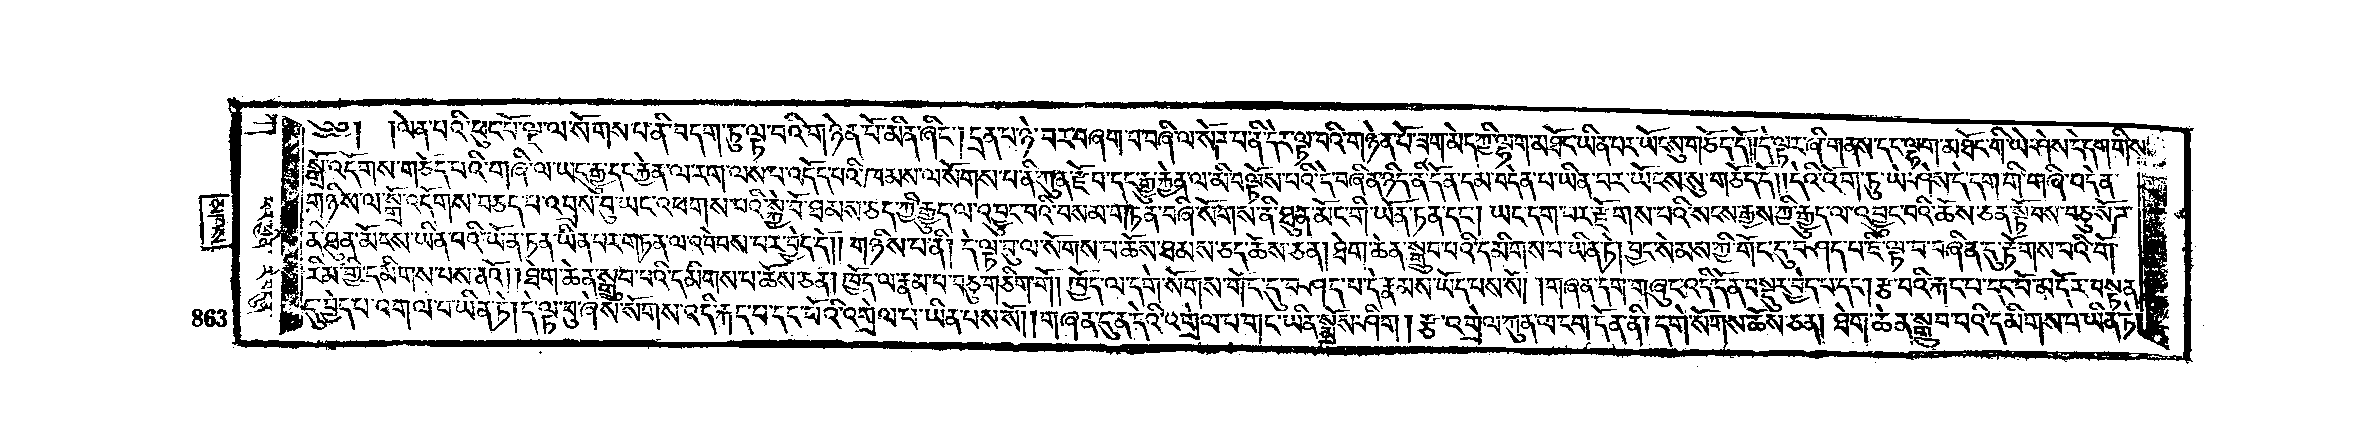༄༅། །ལེན་པའི་ཕུང་པོ་ལྔ་ལ་སོགས་པ་ནི་བདག་ཏུ་ལྟ་བའི་གཉེན་པོ་མིན་ཞིང་། དྲན་པ་ཉེ་བར་བཞག་པ་བཞི་ལ་སོགས་པ་ནི་དེར་ལྟ་བའི་གཉེན་པོ་ཟག་མེད་ཀྱི་ལྷག་མཐོང་ཡིན་པར་ཡོངས་སུ་གཅོད་དོ། །དེ་ལྟར་ཞི་གནས་དང་ལྷག་མཐོང་གི་ཡེ་ཤེས་དེ་དག་གིས་
སྒྲོ་འདོགས་གཅོད་པའི་གཞི་ལ་ཡང་རྒྱུ་དང་རྐྱེན་ལ་རག་ལས་པ་འདོད་པའི་ཁམས་ལ་སོགས་པ་ནི་ཀུན་རྫོབ་དང་རྒྱུ་རྐྱེན་ལ་མི་བལྟོས་པའི་དེ་བཞིན་ཉིད་ནི་དོན་དམ་བདེན་པ་ཡིན་པར་ཡོངས་སུ་གཅོད་དོ། །དེའི་འོག་ཏུ་ཡེ་ཤེས་དེ་དག་གི་གཞི་བདེན་
གཉིས་ལ་སྒྲོ་འདོགས་བཅད་པ་འབྲས་བུ་ཡང་འཕགས་པའི་སྐྱེ་བོ་ཐམས་ཅད་ཀྱི་རྒྱུད་ལ་འབྱུང་བའི་བསམ་གཏན་བཞི་སོགས་ནི་ཐུན་མོང་གི་ཡོན་ཏན་དང་། ཡང་དག་པར་རྫོགས་པའི་སངས་རྒྱས་ཀྱི་རྒྱུད་ལ་འབྱུང་བའི་ཆོས་ཅན་སྟོབས་བཅུ་སོགས་
ནི་ཐུན་མོངས་ཡིན་པའི་ཡོན་ཏན་ཡིན་པར་གཏན་ལ་འབེབས་པར་བྱེད་དོ། །གཉིས་པ་ནི། དེ་ལྟ་བུ་ལ་སོགས་པ་ཆོས་ཐམས་ཅད་ཆོས་ཅན། ཐེག་ཆེན་སྒྲུབ་པའི་དམིགས་པ་ཡིན་ཏེ། བྱང་སེམས་ཀྱི་གོང་དུ་བཤད་པ་ཇི་ལྟ་བ་བཞིན་དུ་རྟོགས་པའི་གོ་
རིམ་གྱི་དམིགས་པས་ནའོ། །ཐེག་ཆེན་སྒྲུབ་པའི་དམིགས་པ་ཆོས་ཅན། ཁྱོད་ལ་རྣམ་པ་བཅུ་གཅིག་གོ། །ཁྱོད་ལ་དགེ་སོགས་གོང་དུ་བཤད་པ་དེ་རྣམས་ཡོད་པས་སོ། །གཞན་དག་གཞུང་འདི་དོན་བསྡུར་བྱེད་པ་དང་། རྩ་བའི་རྐང་པ་དང་པོ་མདོར་བསྟན་
དུ་བྱེད་པ་འགལ་བ་ཡིན་ཏེ། དེ་ལྟ་བུ་ཞེས་སོགས་འདི་རྐང་པ་དང་པོའི་འགྲེལ་པ་ཡིན་པས་སོ། །གཞན་དུ་ན་དེའི་འགྲེལ་པ་གང་ཡིན་སྨྲོས་ཤིག། རྩ་འགྲེལ་ཀུན་ལ་ངག་དོན་ནི། དགེ་སོགས་ཆོས་ཅན། ཐེག་ཆེན་སྒྲུབ་པའི་དམིགས་པ་ཡིན་ཏེ་